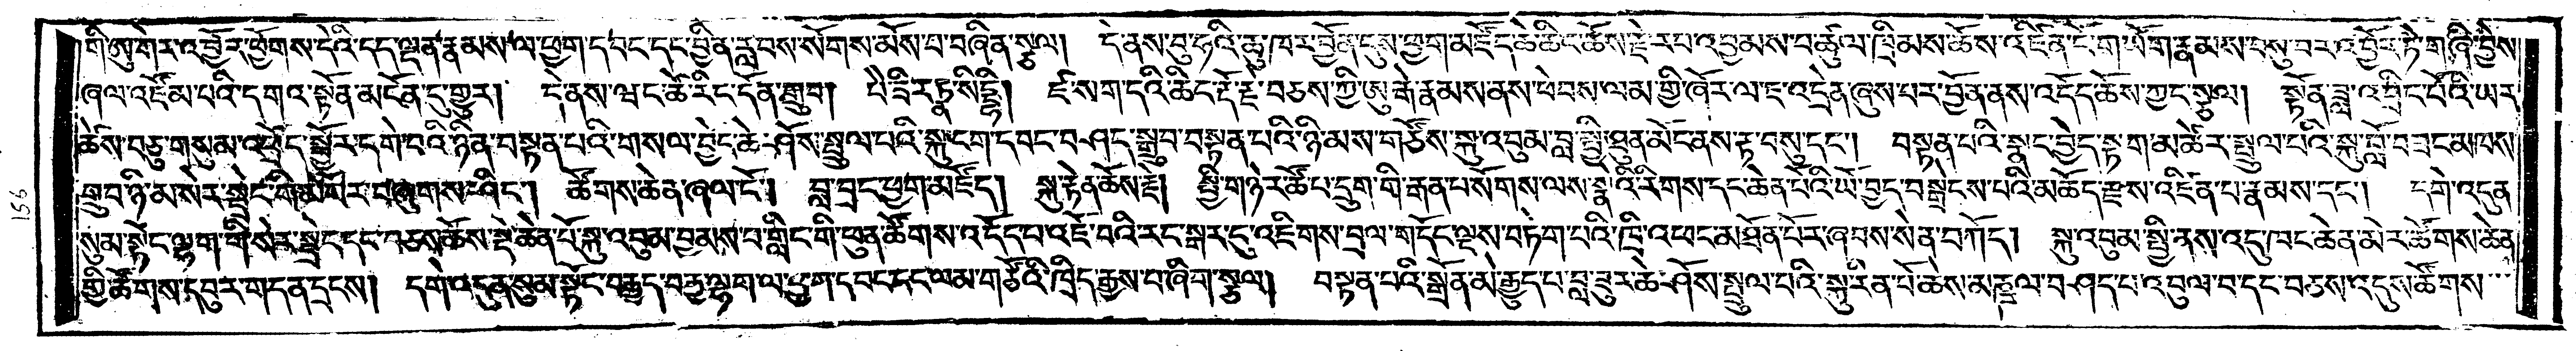གི་ཨུ་གེར་འབྱོར་ཕྱོགས་དེའི་དད་ལྡན་རྣམས་ལ་ཕྱག་དབང་དང་བྱིན་རླབས་སོགས་མོས་བ་བཞིན་སྩལ། དེ་ནས་བུ་ཧའི་ཆུ་ཁར་བྱོན་དུས་ཕྱག་མཛོད་ཆེ་ཆིང་ཆོས་རྗེ་རབ་འབྱམས་པ་ཚུལ་ཁྲིམས་ཆོས་འཛིན་ངོ་གཡོག་རྣམས་བསུ་བར་འབྱོར་ཏེ་གཞི་བྱེས་
ཞལ་འཛོམ་པའི་དགའ་སྟོན་མངོན་དུ་གྱུར། དེ་ནས་ཝང་ཚེ་རིང་དོན་གྲུབ། པཻ་ཟི་རཏྣ་སིདྡྷི། ཛ་སག་དའི་ཆིང་རྡོ་རྗེ་བཅས་ཀྱི་ཨུརྒེ་རྣམས་ནས་ཕེབས་ལམ་གྱི་ཞོར་ལ་ཇ་འདྲེན་ཞུས་པར་བྱོན་ནས་འདོད་ཆོས་ཀྱང་སྩལ། སྟོན་ཟླ་འབྲིང་པོའི་ཡར་
ཚེས་བཅུ་གསུམ་འཕྲོད་སྦྱོར་དགེ་བའི་ཉིན་བསྟན་པའི་གསལ་བྱེད་ཆེ་ཤོས་སྤྲུལ་པའི་སྐུ་དག་དབང་བཤད་སྒྲུབ་བསྟན་པའི་ཉི་མས་གཙོས་སྐུ་འབུམ་བླ་སྤྱི་ཐུན་མོང་ནས་རྟ་བསུ་དང་། བསྟན་བའི་སྣང་བྱེད་སྟག་མཚེར་སྤྲུལ་པའི་སྐུ་བློ་བཟང་མཁས་
གྲུབ་ཉི་མ་སེར་སྦྲེང་གི་མགོར་བཞུགས་ཤིང་། ཚོགས་ཆེན་ཞལ་ངོ། བླ་བྲང་ཕྱག་མཛོད། སྐུ་རྟེན་ཆོས་རྗེ། སྤྱི་གཉེར་ཚོ་པ་དྲུག་གི་རྒན་པ་སོགས་ལས་སྣེའི་རིགས་དང་ཆེན་པོའི་ཡོ་བྱད་བསྒྲེངས་པའི་མཆོད་རྫས་འཛིན་པ་རྣམས་དང་། དགེ་འདུན་
སུམ་སྟོང་ལྷག་གི་སེར་སྦྲེང་དང་བཅས་ཆོས་སྡེ་ཆེན་པོ་སྐུ་འབུམ་བྱམས་པ་གླིང་གི་ཕུན་ཚོགས་འདོད་པ་འཇོ་བའི་རང་སྒར་དུ་འཇིགས་བྲལ་གདོང་སྔས་བཏེག་པའི་ཁྲི་འཕང་མཐོན་པོར་ཞབས་སེན་བཀོད། སྐུ་འབུམ་སྤྱི་ནས་འདུ་ཁང་ཆེན་མོར་ཚོགས་ཆེན་
གྱི་ཚོགས་དབུར་གདན་དྲངས། དགེ་འདུན་སུམ་སྟོང་བརྒྱད་བརྒྱ་ལྷག་ལ་ཕྱག་དབང་དང་ལམ་གཙོའི་ཁྲིད་རྒྱས་པ་ཞིག་སྩལ། བསྟན་པའི་སྒྲོན་མེ་རྒྱུད་པ་བླ་ཟུར་ཆེ་ཤོས་སྤྲུལ་བའི་སྐུ་རིན་པོ་ཆེས་མཎྜལ་བཤད་པ་འབུལ་བ་དང་བཅས་འདུས་ཚོགས་